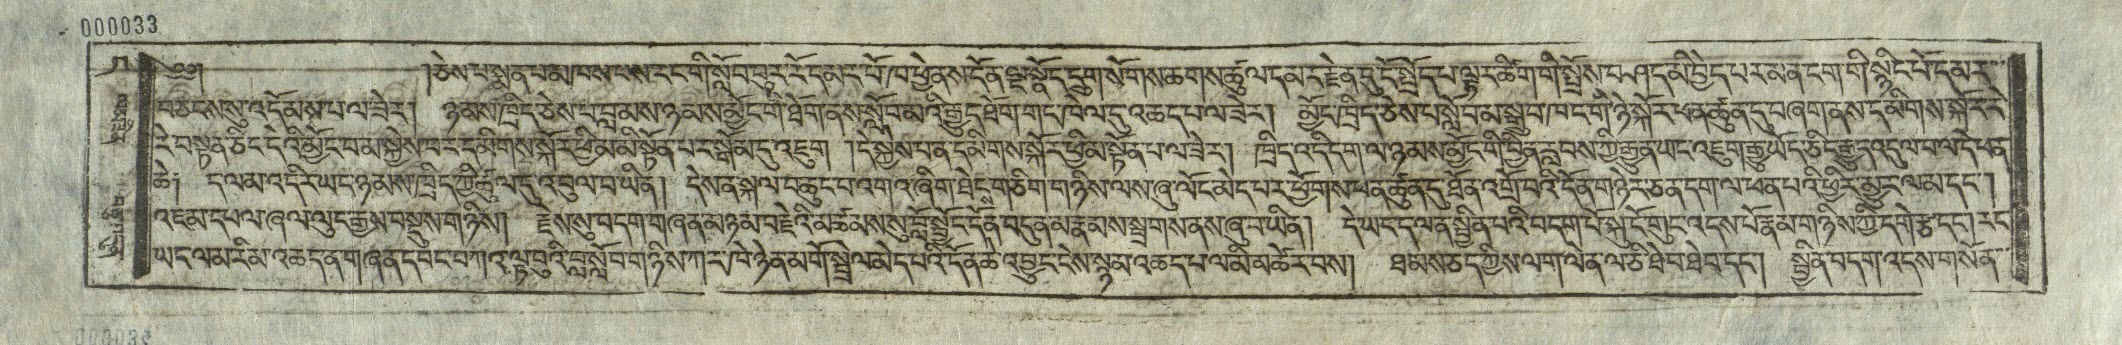༄༅། །ཅེས་པ་སྨན་པ་མཁས་པས་རང་གི་སློབ་བུར་རོ་དམར་པོ་ཁ་ཕྱེ་ནས་དོན་ལྔ་སྣོད་དྲུག་སོགས་ཆགས་ཚུལ་དམར་རྗེན་དུ་ངོ་སྤྲོད་པ་ལྟར་ཚིག་གི་སྤྲོས་བཤད་མི་བྱེད་པར་མན་ངག་གི་སྙིང་པོ་དམར་
བཅངས་སུ་འདོམས་པ་ལ་ཟེར། ཉམས་ཁྲིད་ཅེས་པ་བླ་མས་ཉམས་མྱོང་གི་ཐོག་ནས་སློབ་མའི་རྒྱུད་ཐོག་གང་ཁྲེལ་དུ་འཆད་པ་ལ་ཟེར། མྱོང་ཁྲིད་ཅེས་པ་སློབ་མ་སྒྲུབ་ཁང་གི་ཉེ་སྐོར་ཕན་ཚུན་དུ་བཞག་ནས་དམིགས་སྐོར་རེ་
རེ་བསྟན་ཅིང་དེའི་མྱོང་བ་མ་སྐྱེས་བར་དམིགས་སྐོར་ཕྱི་མ་མི་སྟོན་པར་སྒོམ་དུ་འཇུག །དེ་སྐྱེས་པ་ན་དམིགས་སྐོར་ཕྱི་མ་སྟོན་པ་ལ་ཟེར། ཁྲིད་འདི་དག་ལ་ཉམས་མྱོང་གི་བྱིན་རླབས་ཀྱི་རྒྱུན་ཡང་འཇུག་རྒྱུ་ཡོད་ཅིང་རྒྱུད་འདུལ་བ་ལ་དེ་ཕན་
ཆེ༑ ད་ལམ་འདིར་ཡང་ཉམས་ཁྲིད་ཀྱི་ཚུལ་དུ་འབུལ་བ་ཡིན། དེས་ན་སྐལ་བ་ཆུང་བ་འགའ་ཞིག་ཐེངས་གཅིག་གཉིས་ལས་ཞུ་ལོང་མེད་པར་ཕྱོགས་ཕན་ཚུན་དུ་ཐོན་འགྲོ་བའི་དོན་གཉེར་ཅན་དག་ལ་ཕན་པའི་ཕྱིར་མྱུར་ལམ་དང་།
འཇམ་དཔལ་ཞལ་ལུང་རྒྱས་བསྡུས་གཉིས། རྗེས་སུ་བདག་གཞན་མཉམ་བརྗེའི་མཚམས་སུ་བློ་སྦྱོང་དོན་བདུན་མ་རྣམས་སྦྲགས་ནས་ཞུ་བ་ཡིན། དེ་ཡང་ད་ལན་སྦྱིན་པའི་བདག་པོ་སྐུ་ངོ་གུང་འདས་པོ་རྣམ་གཉིས་ཀྱི་དགེ་རྩ་དང་། རང་
ཡང་ལམ་རིམ་འཆད་ན་གཞན་དབང་བཀའ་ལྟ་བུའི་བླ་སློབ་གཉིས་ཀར་ཁེ་ཉེན་མགོ་སྦྲེལ་མེད་པའི་དོན་ཆེ་འབྱུང་ངེས་སྙམ་འཆད་པ་ལ་མི་མཚེར་བས། ཐམས་ཅད་ཀྱིས་ལག་ལེན་ལ་ཅི་ཐེབ་ཐེབ་དང་། སྦྱིན་བདག་འདས་གསོན་